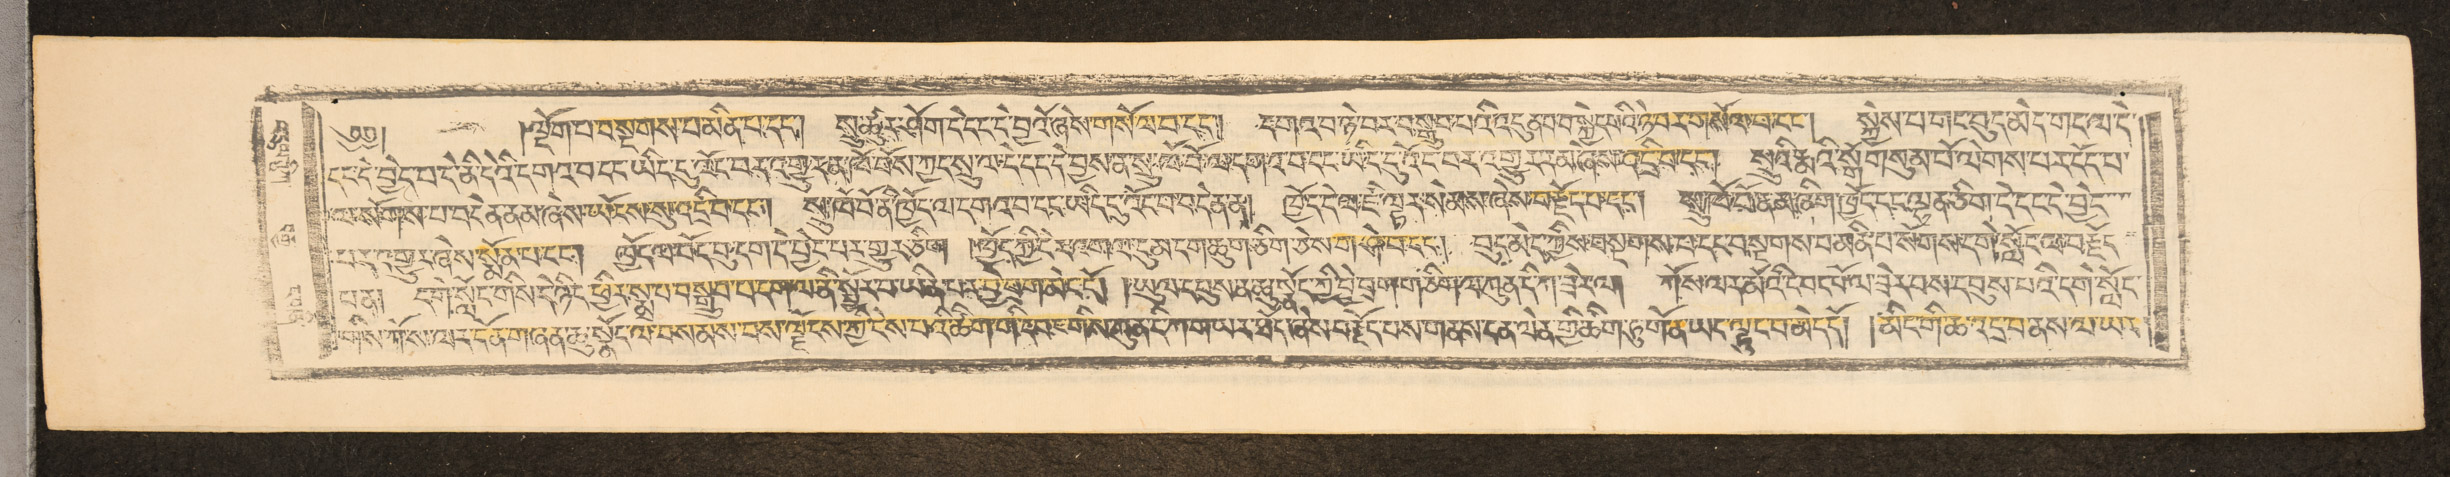༄༅། །ལྡོག་པ་བསྔགས་པ་མིན་པ་དང་། སྲུ་ཚུར་ཤོག་དེ་དང་དེ་བྱའོ་ཞེས་གསོལ་བ་དང་། དགའ་བ་ཉེ་བར་བསྒྲུབ་པའི་འདུན་པ་བསྐྱེད་པའི་ཉེ་བར་གསོལ་བ་དང་། སྐྱེས་པ་གང་བུད་མེད་གང་ལ་དེ་
དང་དེ་བྱེད་པ་དེ་ནི་དེའི་དགའ་བ་དང་ཡིད་དུ་འོང་བར་འགྱུར་ན་ཁོ་བོས་ཀྱང་སྲུ་ལ་དེ་དང་དེ་བྱས་ན་སྲུ་ཁོ་བོ་ལ་དགའ་བ་དང་ཡིད་དུ་འོང་བར་འགྱུར་རམ་ཞེས་འདྲི་བ་དང་། སྲུའི་རྨའི་སྒོ་གསུམ་པོ་ལེགས་པར་དོད་པ་
ལ་སོགས་པ་བདེན་ནམ་ཞེས་ཡོངས་སུ་འདྲི་བ་དང་། སྲུ་ཁོ་བོ་ནི་ཁྱོད་ལ་དགའ་བ་དང་ཡིད་དུ་འོང་བ་བདེན་ན། ཁྱོད་དེ་ལ་ཇི་ལྟར་སེམས་ཞེས་བརྗོད་པ་དང་། སྲུ་ཁོ་བོ་ནམ་ཞིག་ཁྱོད་དང་ལྷན་ཅིག་དེ་དང་དེ་བྱེད་
པར་འགྱུར་ཞེས་སྨོན་པ་དང་། ཁྱོད་ལ་བོང་བུ་དག་དེ་བྱེད་པར་གྱུར་ཅིག །ཁྱོད་ཀྱི་དེར་འགལ་དུམ་དག་ཆུག་ཅིག་ཅེས་གཤེ་བ་དང་། བུད་མེད་ཀྱིས་བསྔགས་པ་དང་བསྔགས་པ་མིན་པ་སོགས་དགེ་སློང་ལ་བརྗོད་
པ་ན། དགེ་སློང་གིས་དེ་ཉིད་ཕྱིར་སྨྲ་བ་བསྒྲུབ་པ་དག་ལ་ནི་སྦྱོར་བ་ཡིན་པར་བྱེ་བྲག་མེད་དོ། །ཡུལ་དབུས་ན་ཆུ་སྣོད་ཀྱི་བྱེ་བྲག་གཅིག་ལ་ཀུན་དི་ཀ་ཟེར་ལ། ཀོས་ལར་མོའི་དབང་པོ་ལ་ཟེར་བས་དབུས་པའི་དགེ་སློང་
གིས་ཀོ་ས་ལར་དོན་གཞན་ཆུ་སྣོང་ལ་བསམས་པས་ལྗོངས་ཀྱི་ངེས་པའི་ཚིག་གི་དབང་གིས་ཀུན་དི་ཀ་གཡར་ཐོང་ཞེས་བརྗོད་པས་གནས་ངན་ལེན་གྱི་ཚིག་ཏུ་གོ་ན་ཡང་ལྟུང་བ་མེད་དོ། །མིང་གི་ཆ་འདྲ་བ་ནས་ལ་ཡབ།